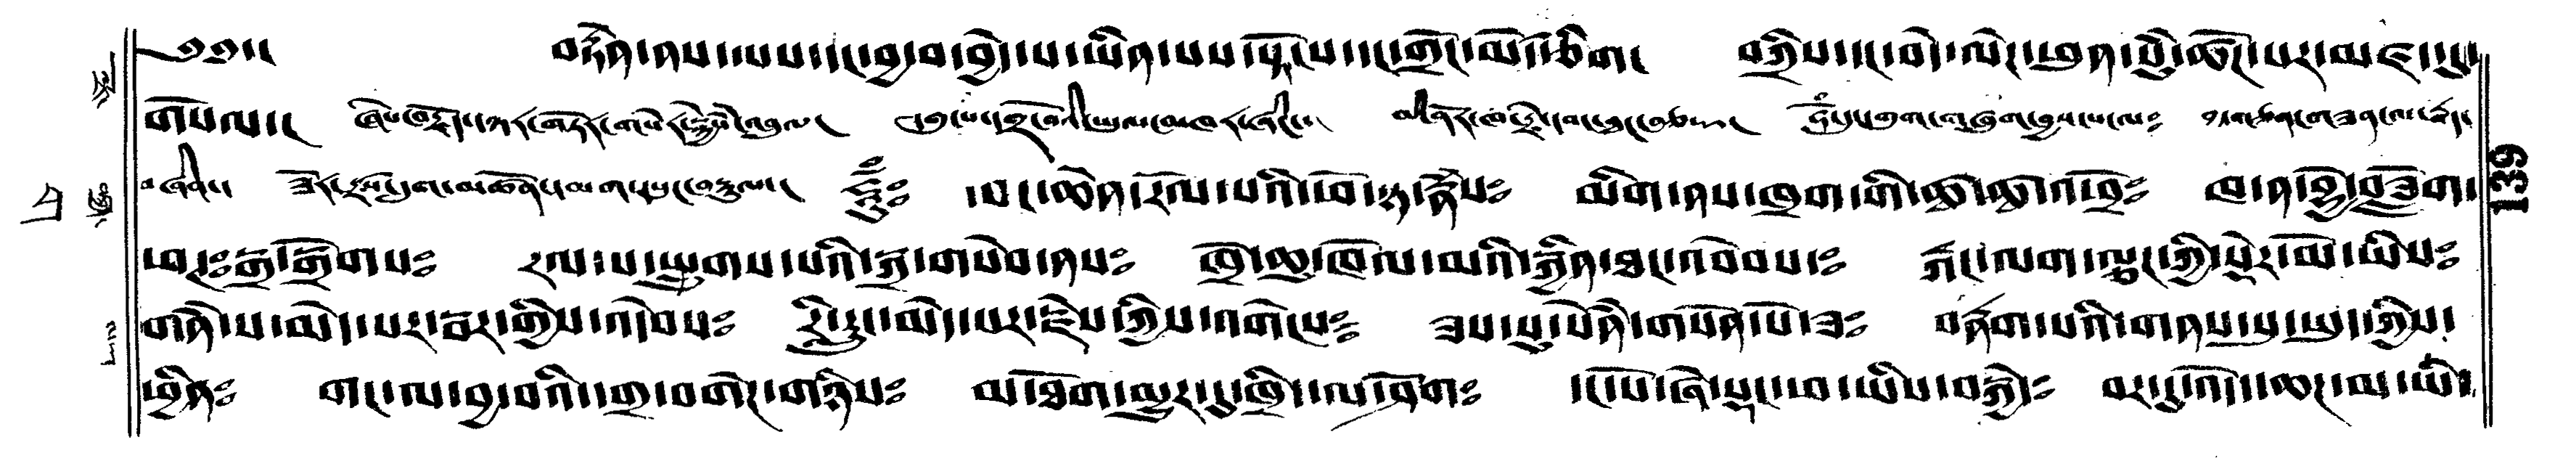བརྟེན་ནས་ལས་དང་བྱ་བ་བྱེད་པ་ཡིན་པས་སྡོང་གྲོགས་མཛོད་ཅིག བཀྲ་ཤིས་དང་བདེ་ལེགས་ཕུན་སུམ་ཚོགས་པར་མཛད་དུ་
གསོལ། ཞེས་བརྗོད་དཀར་གཏོར་གསེར་སྐྱེམས་འབུལ། །དགུ་པ་དགྲ་བོའི་ཡུལ་མཁར་ཞིང་། །མི་ནོར་ཁ་རྗེ་དབང་ཐང་བཅས། ཧོམ་དུ་དགུག་གཞུག་བྱས་པ་ལ། །བྱ་གཅན་གཟན་ལ་རྦད་པ་
བཞིན། །ཟོར་རྫས་དུག་མཚོན་དམག་དཔུང་བསྒུལ། ཧཱུྃ༔ དབང་ཆེན་རོལ་པའི་ཕོ་ཉ་རྣམས༔ མིག་ནས་ཁྲག་གི་ཚྭ་ཚྭ་འཕྲོ༔ ཁ་ན་བྷྱོ་ཟློག་
ཕཊཿསྒྲ་སྒྲོགས༔ རལ་པ་སྤྲུགས་པའི་སྐྲ་གསེབ་ནས༔ ཁྲོ་ཆུ་ཁོལ་མའི་སྐྱིན་ཐང་འབེབས༔ རྐང་ལག་ལྕགས་ཀྱི་སྡེར་མོ་ཡིས༔ 
གནམ་ས་མེད་པར་སྦར་གྱིས་འདེབས༔ རི་རླུང་མེད་པར་རྗེས་ཀྱིས་འགེངས༔ ཟས་སུ་སེམས་ཅན་གསོན་པོ་ཟ༔ བརྣག་པའི་གནས་སུ་ཡུད་ཀྱིས་
ཕྱིན༔ གང་ལ་བྱ་བའི་དགྲ་བགེགས་གཉིས༔ མ་ཐོགས་མྱུར་དུ་ཁྲིད་ལ་ཤོག༔ དང་པོ་ཞེ་སྡང་ཕ་ཡིས་བསྐྱེད༔ བར་དུ་འདོད་ཆགས་མ་ཡི་